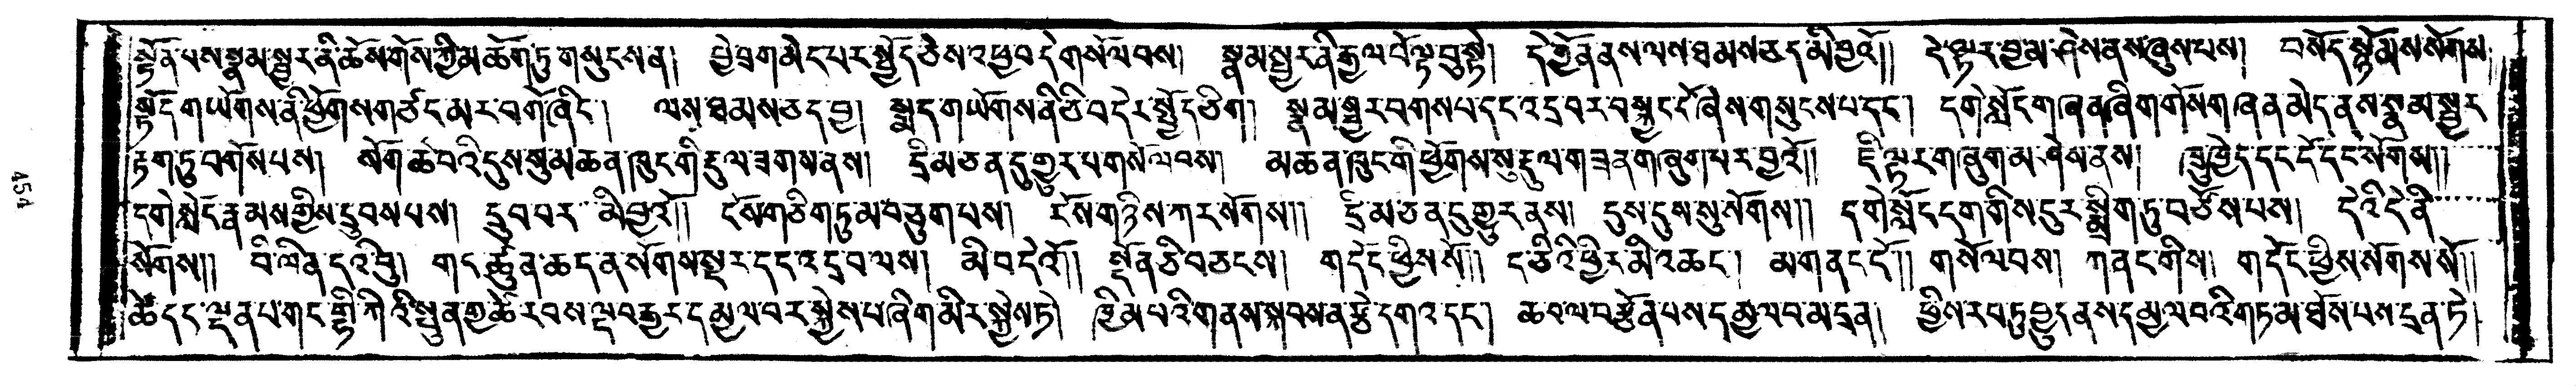སྟོན་པས་སྣམ་སྦྱར་ནི་ཆོས་གོས་ཀྱི་མཆོག་ཏུ་གསུངས་ན། བྱེ་བྲག་མེད་པར་སྤྱོད་ཅེས་འཕྱ་བ་དེ་དག་གསོལ་བས། སྣམ་སྦྱར་ནི་རྒྱལ་པོ་ལྟ་བུ་སྟེ། དེ་གྱོན་ནས་ལས་ཐམས་ཅད་མི་བྱའོ།། དེ་ལྟར་བྱ་མ་ཤེས་ནས་ཞུས་པས། བསོད་སྙོམས་སོགས་
སྟོད་གཡོགས་ནི་ཕྱོགས་གཙང་མར་བགོ་ཞིང་། ལས་ཐམས་ཅད་བྱ། སྨད་གཡོགས་ནི་ཅི་བདེར་སྤྱོད་ཅིག །སྣམ་སྦྱར་བགས་པ་དང་འདྲ་བར་བསྐྱང་ངོ་ཞེས་གསུངས་པ་དང་། དགེ་སློང་གཞན་ཞིག་གོས་གཞན་མེད་ནས་སྣམ་སྦྱར་
རྟག་ཏུ་བགོས་པས། སོག་ཚ་བའི་དུས་སུ་མཆན་ཁུང་གི་རྡུལ་ཟགས་ནས། དྲི་མ་ཅན་དུ་གྱུར་པ་གསོལ་བས། མཆན་ཁུང་གི་ཕྱོགས་སུ་རྡུལ་གཟན་གཞུག་པར་བྱའོ།། ཇི་ལྟར་གཞུག་མ་ཤེས་ནས། ཁྲུ་ཁྱེད་དང་དོ་དང་སོགས།།
དགེ་སློང་རྣམས་གྱིས་དྲུབས་པས། དྲུབ་བར་མི་བྱའོ།། ངོས་གཅིག་ཏུ་མ་བཅུག་པས། ངོས་གཉིས་ཀར་སོགས།། དྲི་མ་ཅན་དུ་གྱུར་ནས། དུས་དུས་སུ་སོགས།། དགེ་སློང་དག་གིས་དུར་སྨྲིག་ཏུ་བཙོས་པས། དེའི་དེ་ནི་
སོགས།། བི་ལིན་དའི་བུ། གང་ཚུན་ཆད་ན་སོགས་སྔར་དང་འདྲ་བ་ལས། མི་བདེའོ།། སྔོན་ཅི་བཅངས། གདོང་ཕྱིས་སོ།། ད་ཅིའི་ཕྱིར་མི་འཆང་། མ་གནང་ངོ།། གསོལ་བས། གནང་གིས། གདོང་ཕྱིས་སོགས་སོ།།
ཚེ་དང་ལྡན་པ་གང་གྷི་ཀིའི་སྤུན་གྱ་ཚེ་རབས་ལྔ་བརྒྱར་དམྱལ་བར་སྐྱེས་པ་ཞིག་མིར་སྐྱེས་ཏེ། ཁྱིམ་པའི་གནས་སྐབས་ན་རྩེ་དགའ་དང་། ཆབ་ལ་བརྩོན་པས་དམྱལ་བ་མ་དྲན། ཕྱིས་རབ་ཏུ་བྱུང་ནས་དམྱལ་བའི་གཏམ་ཐོས་པས་དྲན་ཏེ།